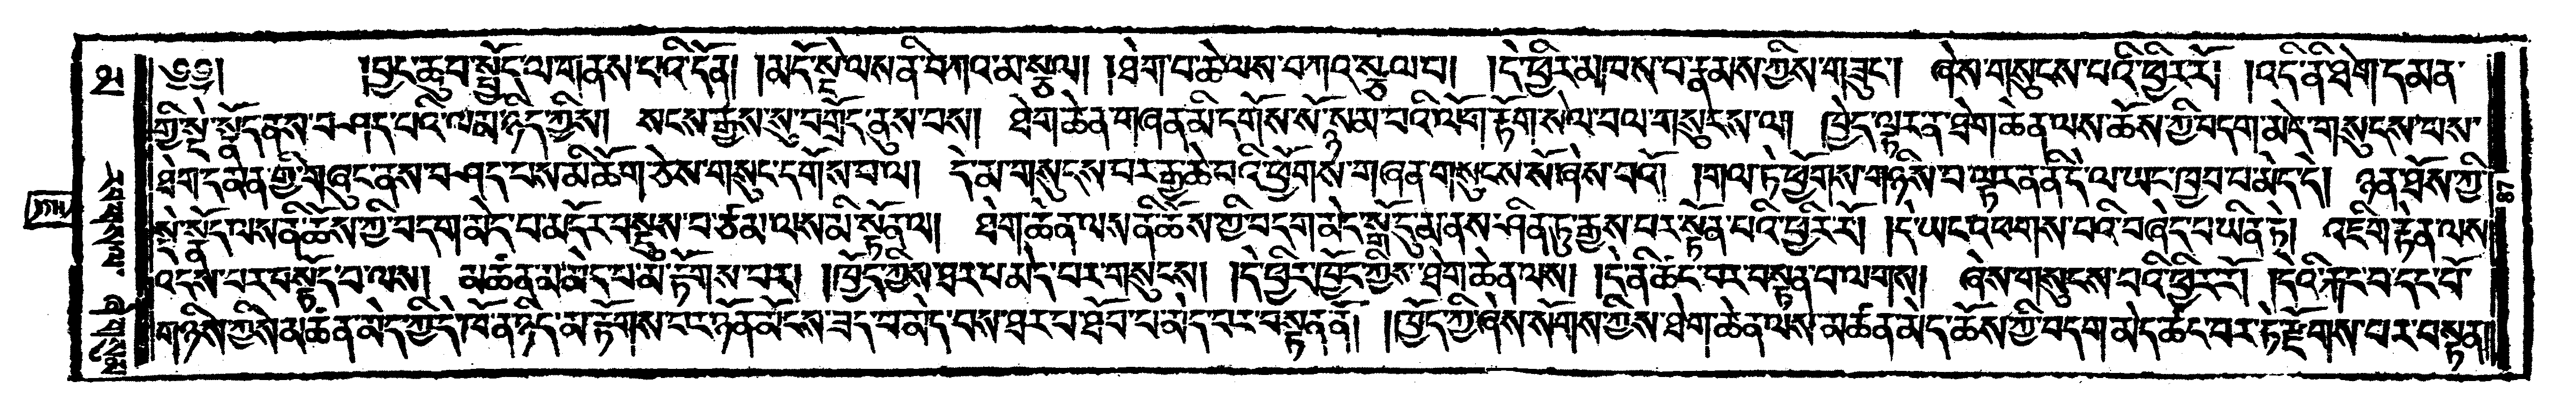༄༅། །བྱང་ཆུབ་སྤྱོད་ལ་གནས་པའི་དོན། །མདོ་སྡེ་ལས་ནི་བཀའ་མ་སྩལ། །ཐེག་པ་ཆེ་ལས་བཀའ་སྩལ་པ། །དེ་ཕྱིར་མཁས་པ་རྣམས་ཀྱིས་གཟུང་། ཞེས་གསུངས་པའི་ཕྱིར་རོ། །འདི་ནི་ཐེག་དམན་
གྱི་སྡེ་སྣོད་ནས་བཤད་པའི་ལམ་ཉིད་ཀྱིས། སངས་རྒྱས་སུ་བགྲོད་ནུས་པས། ཐེག་ཆེན་གཞན་མི་དགོས་སོ་སྙམ་པའི་ལོག་རྟོག་སེལ་བ་ལ་གསུངས་ལ། ཁྱེད་ལྟར་ན་ཐེག་ཆེན་ལས་ཆོས་ཀྱི་བདག་མེད་གསུངས་པས་
ཐེག་དམན་གྱི་གཞུང་ནས་བཤད་པས་མི་ཆོག་ཅེས་གསུང་དགོས་པ་ལ། དེ་མ་གསུངས་པར་རྒྱ་ཆེ་བའི་ཕྱོགས་གཞན་གསུངས་སོ་ཞེས་པའོ། །གལ་ཏེ་ཕྱོགས་གཉིས་པ་ལྟར་ན་ནི་དེ་ལ་ཡང་ཁྱབ་པ་མེད་དེ། ཉན་ཐོས་ཀྱི་
སྡེ་སྣོད་ལས་ནི་ཆོས་ཀྱི་བདག་མེད་པ་མདོར་བསྡུས་པ་ཙམ་ལས་མི་སྟོན་ལ། ཐེག་ཆེན་ལས་ནི་ཆོས་ཀྱི་བདག་མེད་སྒོ་དུ་མ་ནས་ཤིན་ཏུ་རྒྱས་པར་སྟོན་པའི་ཕྱིར་རོ། །དེ་ཡང་འཕགས་པའི་བཞེད་པ་ཡིན་ཏེ། འཇིག་རྟེན་ལས་
འདས་པར་བསྟོད་པ་ལས། མཚན་མ་མེད་པ་མ་རྟོགས་པར། །ཁྱོད་ཀྱིས་ཐར་པ་མེད་པར་གསུངས། །དེ་ཕྱིར་ཁྱོད་ཀྱིས་ཐེག་ཆེན་ལས། །དེ་ནི་ཚང་བར་བསྟན་པ་ལགས། ཞེས་གསུངས་པའི་ཕྱིར་རོ། །དེའི་རྐང་བ་དང་པོ་
གཉིས་ཀྱིས་མཚན་མེད་ཀྱི་དེ་ཁོ་ན་ཉིད་མ་རྟོགས་པར་ཉོན་མོངས་ཟད་པ་མེད་པས་ཐར་པ་ཐོབ་པ་མེད་པར་བསྟན་ནོ། །ཁྱོད་ཀྱི་ཞེས་སོགས་ཀྱིས་ཐེག་ཆེན་ལས་མཚན་མེད་ཆོས་ཀྱི་བདག་མེད་ཚང་བར་ཏེ་རྫོགས་པར་བསྟན།